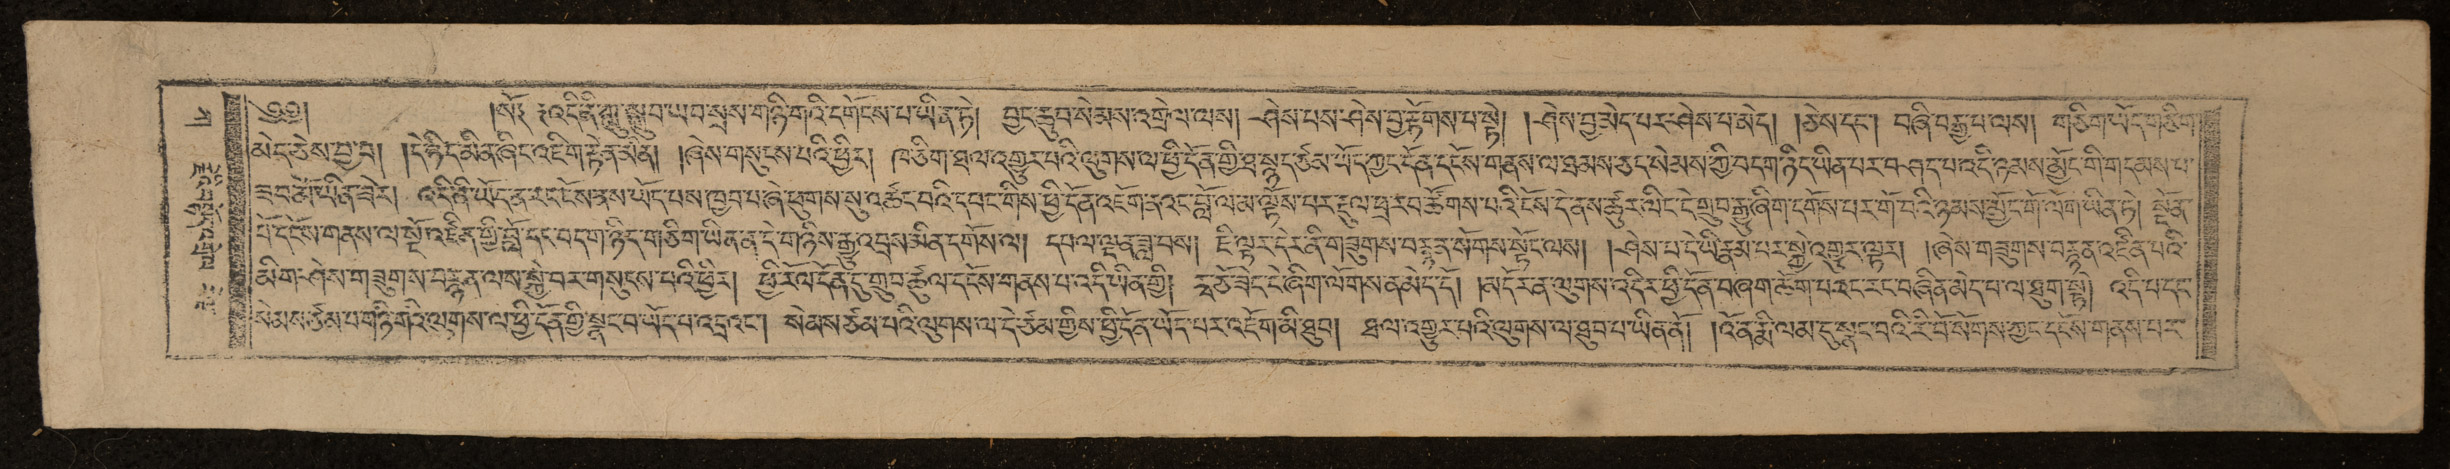༄༅། །སོ༑ ༑འདི་ནི་ཀླུ་སྒྲུབ་ཡབ་སྲས་གཉི་གའི་དགོངས་པ་ཡིན་ཏེ། བྱང་ཆུབ་སེམས་འགྲེལ་ལས། ཤེས་པས་ཤེས་བྱ་རྟོགས་པ་སྟེ། །ཤེས་བྱ་མེད་པར་ཤེས་པ་མེད། །ཅེས་དང་། བཞི་བརྒྱ་པ་ལས། གཅིག་ཡོད་གཅིག་
མེད་ཅེས་བྱ་བ། །དེ་ཉིད་མིན་ཞིང་འཇིག་རྟེན་མིན། །ཞེས་གསུངས་པའི་ཕྱིར། ཁ་ཅིག་ཐལ་འགྱུར་བའི་ལུགས་ལ་ཕྱི་དོན་གྱི་ཐ་སྙད་ཙམ་ཡོད་ཀྱང་དོན་དངོས་གནས་ལ་ཐམས་ཅད་སེམས་ཀྱི་བདག་ཉིད་ཡིན་པར་བཤད་པ་འདི་ཉམས་མྱོང་གི་གདམས་པ་
ཟབ་མོ་ཡིན་ཟེར། འདི་ནི་ཡོད་ན་རང་ངོས་ནས་ཡོད་པས་ཁྱབ་པ་ཞེ་ཕུགས་སུ་འཚང་བའི་དབང་གིས་ཕྱི་དོན་འཇོག་ནའང་བློ་ལ་མ་ལྟོས་པར་རྡུལ་ཕྲ་རབ་ཚོགས་པའི་ངོས་དེ་ནས་ཚུར་ལིང་དེ་གྲུབ་རྒྱུ་ཞིག་དགོས་པར་གོ་བའི་ཉམས་མྱོང་གོ་ལོག་མིན་ཏེ། སྔོན་
པོ་དངོས་གནས་ལ་སྔོ་འཛིན་གྱི་བློ་དང་བདག་ཉིད་གཅིག་ཡིན་ན་དེ་གཉིས་རྒྱུ་འབྲས་མིན་དགོས་ལ། དཔལ་ལྡན་ཟླ་བས། ཇི་ལྟར་དེར་ནི་གཟུགས་བརྙན་སོགས་སྟོང་ལས། །ཤེས་པ་དེ་ཡི་རྣམ་པར་སྐྱེ་འགྱུར་ལྟར། །ཞེས་གཟུགས་བརྙན་འཛིན་པའི་
མིག་ཤེས་གཟུགས་བརྙན་ལས་སྐྱེ་བར་གསུངས་གའི་ཕྱིར། ཕྱི་རོལ་དོན་དུ་གྲུབ་ཚུལ་དངོས་གནས་པ་འདི་ཡིན་གྱི། རྭ་ཅོ་ཟེང་ངེ་ཞིག་ལོགས་ན་མེད་དོ། །མདོར་ན་ལུགས་འདིར་ཕྱི་དོན་བཞག་ཆོག་པའང་རང་བཞིན་མེད་པ་ལ་ཐུག་སྟེ། འདི་བདག་
སེམས་ཙམ་པ་གཉི་གའི་ལུགས་ལ་ཕྱི་དོན་གྱི་སྣང་བ་ཡོད་པ་འདྲའང་། སེམས་ཙམ་པའི་ལུགས་ལ་དེ་ཙམ་གྱིས་ཕྱི་དོན་ཡོད་པར་འཇོག་མི་ཐུབ། ཐལ་འགྱུར་བའི་ལུགས་ལ་ཐུབ་པ་ཡིན་ནོ། །འོ་ན་རྨི་ལམ་དུ་སྣང་བའི་རི་པོ་སོགས་ཀྱང་དངོས་གནས་པར་